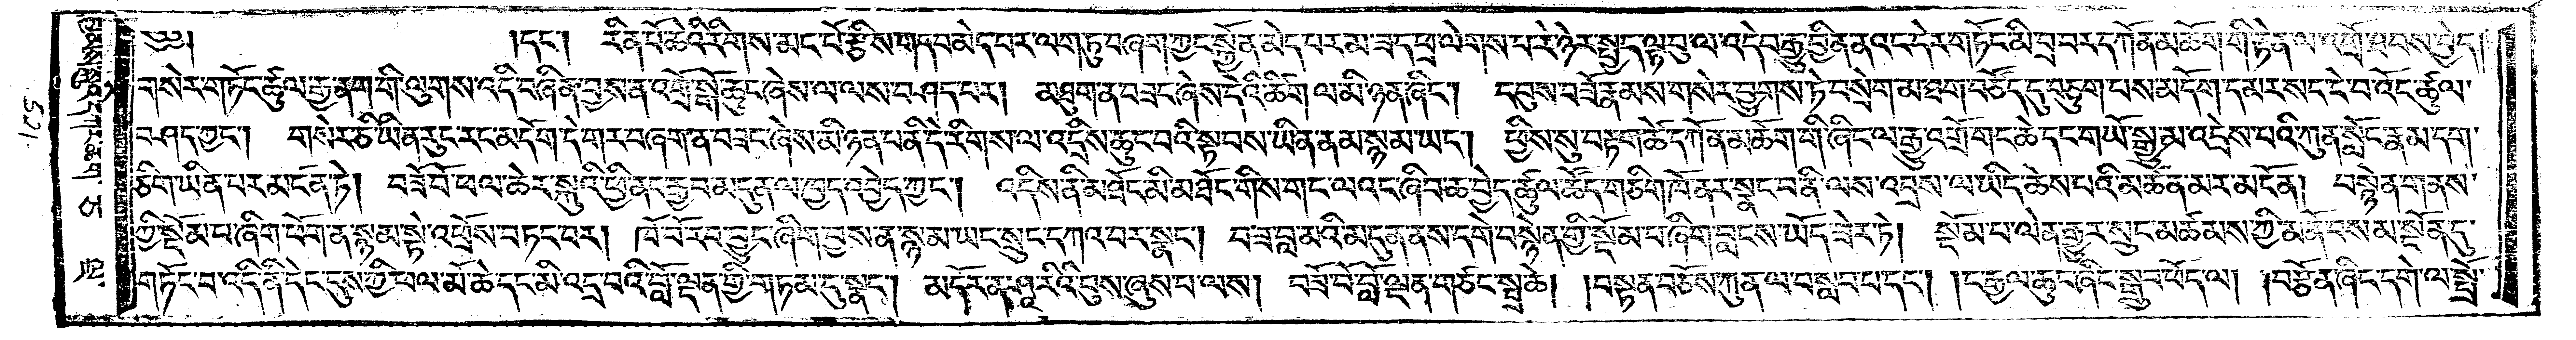༄༅། །དང་། རིན་པོ་ཆེའི་རིགས་མང་པོ་རྩིས་གདབ་མེད་པར་ལག་ཏུ་བཞག་ཀྱང་སྐྱོན་མེད་པར་མ་ཟད་ཕྲ་ལེགས་པ་རེ་ཉེར་སྤྱང་ལྟ་བུ་ལ་འདེབ་རྒྱུ་བྱིན་ནའང་དེར་གཏོང་མི་བྲ་བར་དཀོན་མཆོག་གི་རྟེན་ལ་འགྲོ་ཐབས་བྱེད།
གསེར་གཏོང་ཚུལ་རྒྱ་ནག་གི་ལུགས་འདི་བཞིན་བྱས་ན་འགྲོ་སྒོ་ཆུང་ཞེས་ལ་ལས་བཤད་པར། མཐུག་ན་བཟང་ཞེས་དེའི་ཚིག་ལ་མི་ཉན་ཞིང་། དབུས་བཟོ་རྣམས་གསེར་བྱུགས་ཏེ་བསྲེག་མ་ཐག་བཙོད་དུ་བཅུག་པས་མདོག་དམར་སང་ངེ་བ་འོང་ཚུལ་
བཤད་ཀྱང་། གསེར་ཅི་ཡིན་རུང་རང་མདོག་དེ་གར་བཞག་ན་བཟང་ཞེས་མི་ཉན་པ་ནི་དེ་རིགས་ལ་འདྲིས་ཆུང་བའི་སྟབས་ཡིན་ནམ་སྙམ་ཡང་། ཕྱིས་སུ་བརྟག་ཚེ་དཀོན་མཆོག་གི་ཞིང་ལ་རྒྱུ་འགྲོ་གང་ཆེ་དང་གཡོ་སྒྱུ་མ་འདྲེས་པའི་ཀུན་སློང་རྣམ་དག་
ཅིག་ཡིན་པར་མངོན་ཏེ། བཟོ་བོ་ཕལ་ཆེར་སྐུའི་ཕྱི་ནང་རྒྱབ་མདུན་ལ་ཁྱད་འབྱེད་ཀྱང་། འདིས་ནི་མཐོང་མི་མཐོང་གིས་གང་ལའང་ཞིབ་ཆ་བྱེད་ཚུལ་ཚོད་གཅིག་ཁོ་ནར་སྣང་བ་ནི་ལས་འབྲས་ལ་ཡིད་ཆེས་པའི་མཚན་མར་མངོན། བསྙེན་གནས་
ཀྱི་སྡོམ་པ་ཞིག་ཕོག་ན་སྙམ་སྟེ་འཕྲོས་བཏང་བར། ཁོ་བོ་རབ་བྱུང་ཞིག་བྱས་ན་སྙམ་ཡང་སྲུང་དཀའ་བར་སྣང་། བ་ཟ་བླ་མའི་མདུན་ནས་དགེ་བསྙེན་གྱི་སྡོམ་པ་ཞིག་བླངས་ཡོད་ཟེར་ཏེ། སྡོམ་པ་ལེན་རྒྱུར་སྲུང་མཚམས་ཀྱི་མནོ་བསམས་ངོན་དུ་
གཏོང་བ་འདི་ནི་དེང་དུས་ཀྱི་ཕལ་མོ་ཆེ་དང་མི་འདྲ་བའི་བློ་ལྡན་གྱི་གཏམ་དུ་སྣང་། མདོར་ན་ཤཱ་རིའི་བུས་ཞུས་པ་ལས། བཟོ་བོ་བློ་ལྡན་གཙང་སྦྲ་ཆེ། །བསྟན་བཅོས་ཀུན་ལ་བསླབ་པ་དང་། །ང་རྒྱལ་ཆུང་ཞིང་སྒྲུབ་ཕོད་ལ། །བརྩོན་ཞིང་དགེ་ལ་སྦྲོ་